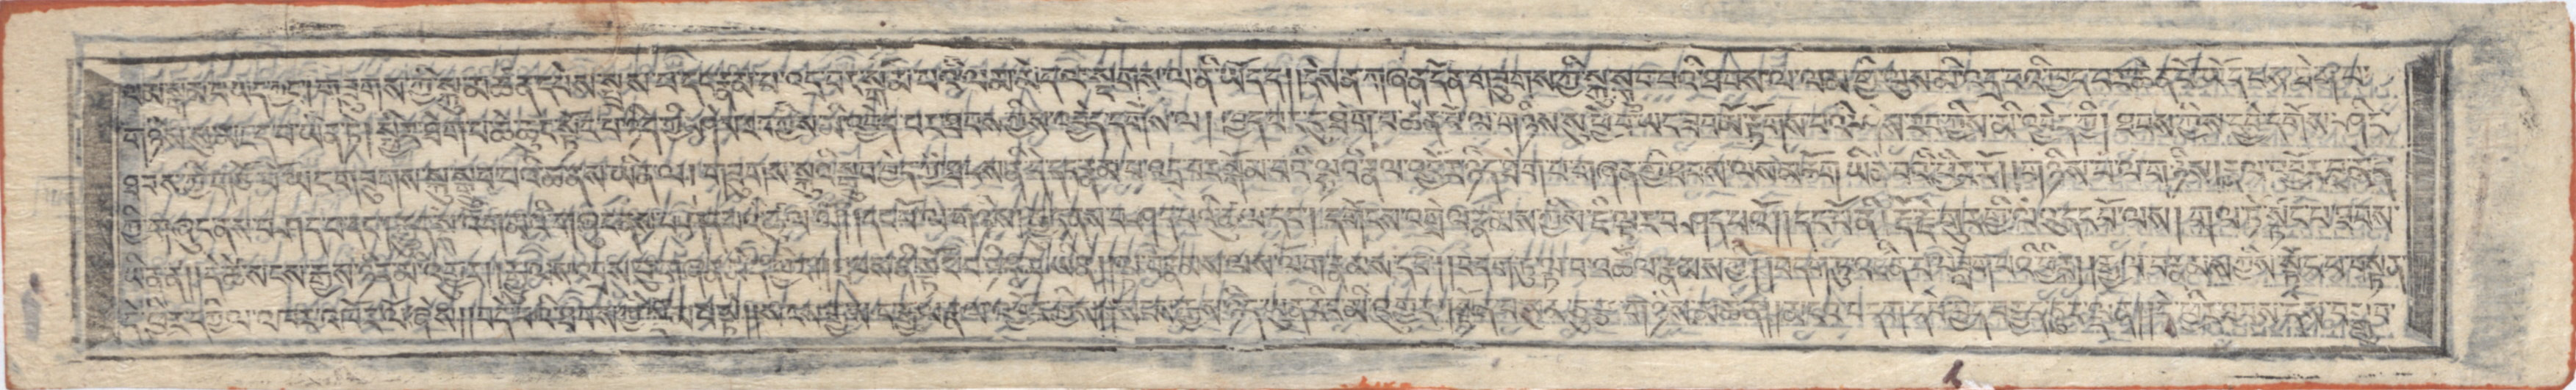ལམ་སྒོམ་པ་ཡོད་ཀྱང་། གཟུགས་ཀྱི་སྐུ་མཚན་དཔེས་སྤྲས་པ་དང་རྣམ་པ་འདྲ་བར་སྒོམ་པའི་ལམ་མེད་ལ་སྔགས་ལ་ནི་ཡོད་དེ། །དེས་ན་གཞན་དོན་གཟུགས་ཀྱི་སྐུ་སྒྲུབ་པའི་ཐབས་ལ་ལམ་གྱི་ལུས་མི་འདྲ་བའི་ཁྱད་པར་ཆེན་པོ་ཡོད་པས་ཐེག་པ་
གཉིས་སུ་མཛད་པ་ཡིན་ཏེ། སྤྱིར་ཐེག་པ་ཆེ་ཆུང་སྟོང་པ་ཉིད་ཀྱི་ཤེས་རབ་ཀྱིས་མི་འབྱེད་པར་ཐབས་ཀྱིས་འབྱེད་དགོས་ལ། ཁྱད་པར་དུ་ཐེག་པ་ཆེན་པོ་ལ་གཉིས་སུ་ཕྱེ་བ་ཡང་ཟབ་མོ་རྟོགས་པའི་ཤེས་རབ་ཀྱིས་མི་འབྱེད་ཀྱི། ཐབས་ཀྱིས་དབྱེ་དགོས་ཤིང་
ཐབས་ཀྱི་གཙོ་བོ་ཡང་གཟུགས་སྐུ་སྒྲུབ་པའི་ཆ་ནས་ཡིན་ལ། གཟུགས་སྐུའི་སྒྲུབ་བྱེད་ཀྱི་ཐབས་ནི་དེ་དང་རྣམ་པ་འདྲ་བར་སྒོམ་པའི་ལྷའི་རྣལ་འབྱོར་ཉིད་ཐེག་པ་གཞན་གྱི་ཐབས་ལས་མཆོག་ཡིན་པའི་ཕྱིར་རོ། །གཉིས་པ་ལ་གཉིས། རྣལ་འབྱོར་བླ་མེད་
ཀྱི་གཞུང་ནས་བཤད་པ་དང་། རྒྱུད་སྡེ་འོག་མའི་གཞུང་ནས་བཤད་པའི་ཚུལ་ལོ། །དང་པོ་ལ་གཉིས། རྒྱུད་ནས་བཤད་པའི་ཚུལ་དང་། དགོངས་འགྲེལ་རྣམས་ཀྱིས་ཇི་ལྟར་བཤད་པའོ། །དང་པོ་ནི། རྡོ་རྗེ་གུར་གྱི་ལེའུ་དང་པོ་ལས། གལ་ཏེ་སྟོང་པ་ཐབས་
ཡིན་ན། །དེ་ཚེ་སངས་རྒྱས་ཉིད་མི་འགྱུར། །རྒྱུ་ལས་འབྲས་བུ་གཞན་མེད་ཕྱིར། །ཐབས་ནི་སྟོང་པ་ཉིད་མ་ཡིན། །ལྟ་བ་རྣམས་ལས་ལོག་རྣམས་དང་། །བདག་ཏུ་ལྟ་བ་འཚོལ་རྣམས་ཀྱི། །བདག་ཏུ་འཛིན་པ་བཟློག་པའི་ཕྱིར། །རྒྱལ་བ་རྣམས་ཀྱིས་སྟོང་པ་བསྟན་
དེ་ཕྱིར་དཀྱིལ་འཁོར་འཁོར་ལོ་ཞེས། །བདེ་བའི་ཐབས་ཀྱི་སྡོམ་པ་སྟེ། །སངས་རྒྱས་ང་རྒྱལ་རྣལ་འབྱོར་གྱིས། །སངས་རྒྱས་ཉིད་ཡུན་རིང་མི་འགྱུར། །སྟོན་པ་སུམ་ཅུ་རྩ་གཉིས་མཚན། །མངའ་བདག་དཔེ་བྱད་བརྒྱད་ཅུར་ལྡན། །དེ་ཕྱིར་ཐབས་དེས་བསྒྲུབ་